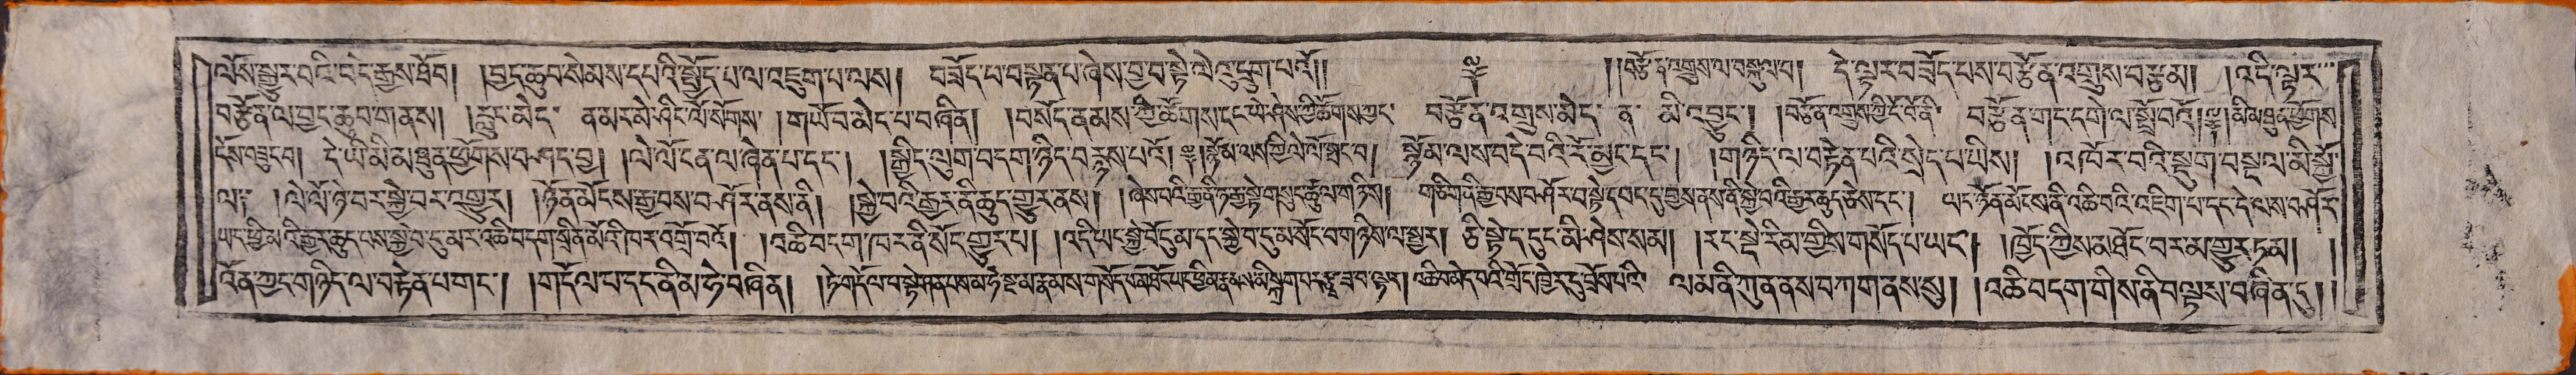ལོས་སྒྱུར་བའི་བདེ་རྒྱས་ཐོབ། །བྱང་ཆུབ་སེམས་དཔའི་སྤྱོད་པ་ལ་འཇུག་པ་ལས། བཟོད་པ་བསྟན་པ་ཞེས་བྱ་བ་སྟེ་ལེའུ་དྲུག་པའོ།། ༈ །།བརྩོན་འགྲུས་ལ་བསྐུལ་བ།  དེ་ལྟར་བཟོད་པས་བརྩོན་འགྲུས་པ་རྩམ། །འདི་ལྟར་
བརྩོན་ལ་བྱང་ཆུབ་གནས། །རླུང་མེད། ན་མར་མེ་ཤིང་ལོ་སོགས་གཡོ་བ་མེད་པ་བཞིན། །བསོད་ནམས་ཀྱི་ཚོགས་དང་ཡེ་ཤེས་ཀྱི་ཚོགས་ཀྱང་བརྩོན་འགྲུས་མེད་ན་མི་འབྱུང་། །བརྩོན་འགྲུས་ཀྱི་ངོ་བོ་ནི།  བརྩོན་གང་དགེ་ལ་སྤྲོ་བའོ། འ་།མི་མཐུན་ཕྱོགས་
ངོས་བཟུང་བ། དེ་ཡི་མི་མཐུན་ཕྱོགས་བཤད་བྱ། །ལེ་ལོ་ངན་ལ་ཞེན་པ་དང་། །སྒྱིད་ལུག་བདག་ཉིད་བརྙས་པའོ། ༈ །སྙོམ་ལས་ཀྱི་ལེ་ལོ་སྤང་བ།  སྙོམ་ལས་བདེ་བའི་རོ་མྱང་དང་། །གཉིད་ལ་བརྟེན་པའི་སྲེད་པ་ཡིས། །འཁོར་བའི་སྡུག་བསྔལ་མི་སྐྱོ་
ལ༑ ༑ལེ་ལོ་ཉེ་བར་སྐྱེ་བར་འགྱུར། །ཉོན་མོངས་རྒྱ་བས་བཤོར་ནས་ནི། །སྐྱེ་བའི་རྒྱར་ནི་ཆུད་གྱུར་ནས། །ཞེས་པའི་རྒྱ་ནི་ཉ་རྒྱ་སྟེ་གསུང་ཚུལ་གཉིས། གཅིག་ནི་རྒྱ་བས་བཤོར་བ་སྟེ་དབང་དུ་བྱས་ནས་ནི་སྐྱེ་བའི་རྒྱར་ཆུད་ཅེས་དང་། ཡང་ཉོན་མོངས་ནི་འཆི་བའི་འཇིག་པ་དང་དེ་ལས་བཤོར་
ཡང་ཕྱི་མའི་རྒྱར་ཆུད་པས་སྐྱེ་བ་དུ་མར་འཆི་བདག་སྲིན་མོའི་ཁར་འགྲོ་བའོ། །འཆི་བདག་ཁར་ནི་སོང་གྱུར་པ། །འདི་ཡང་སྐྱེ་བོ་དུ་མ་དང་སྐྱེ་བ་དུ་མ་སོང་བ་གཉིས་ལ་སྦྱར།  ཅི་སྟེ་ད་དུང་མི་ཤེས་སམ། །རང་སྡེ་རིམ་གྱིས་གསོད་པ་ཡང་། །ཁྱོད་ཀྱིས་མཐོང་བར་མ་གྱུར་ཏམ། །
འོན་གྱང་གཉིད་ལ་བརྟེན་པ་གང་། །གདོལ་པ་དང་ནི་མ་ཧེ་བཞིན། །ཏེ་གདོལ་པ་སྟེ་ཤེན་པས་མ་ཧེ་སྔ་མ་རྣམས་གསོད་པ་མཐོང་ཕར་ཕྱི་མ་རྣམས་མི་སྐྲག་པར་རྩྭ་ཟ་པ་ལྟར། འཆི་བ་མེད་པའི་གྲོང་ཁྱེར་དུ་བྲོས་པའི་ལམ་ནི་ཀུན་ནས་བཀག་ནས་སུ། །འཆི་བདག་གིས་ནི་བལྟས་བཞིན་དུ། །